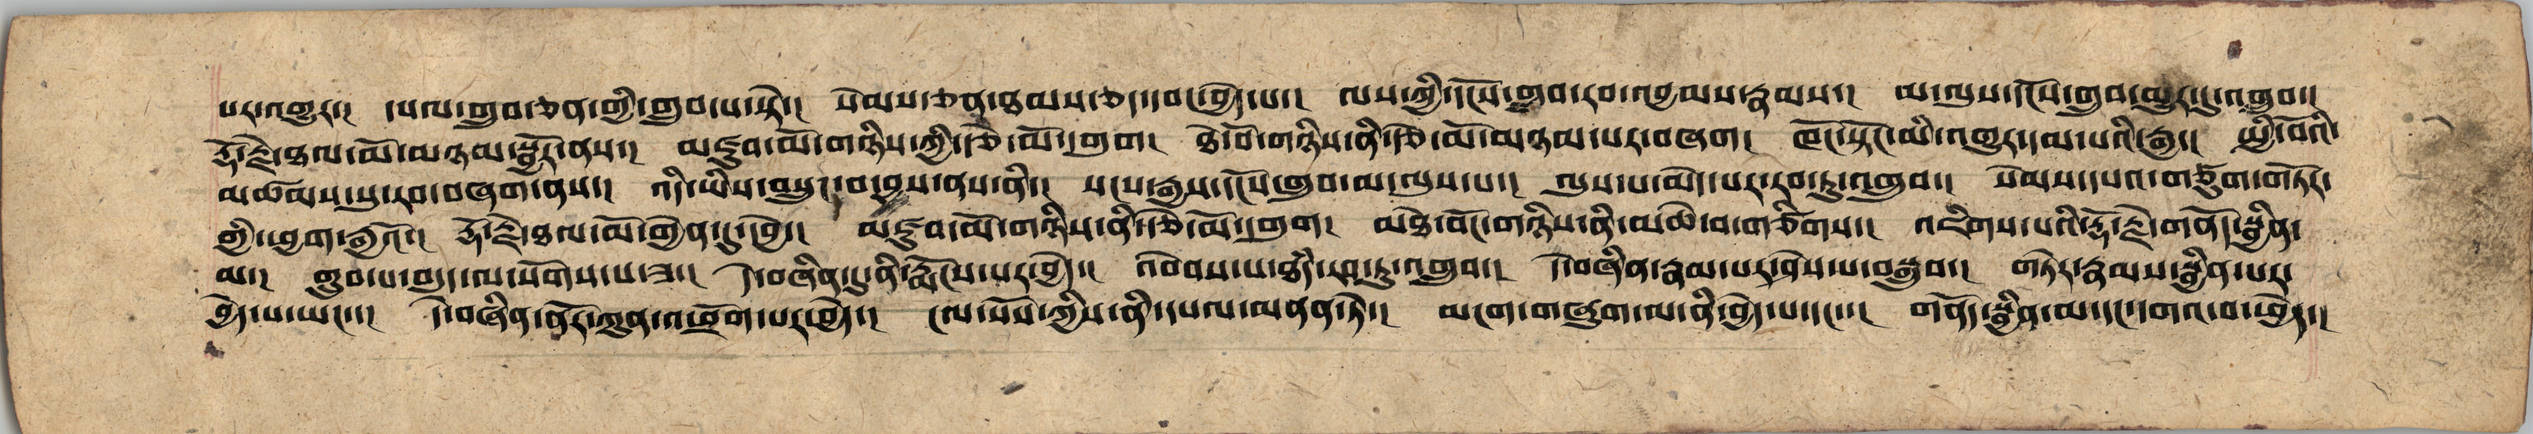པར་འགྱུར་། དཔལ་གྲུབ་ཅན་གྱི་གྲུབ་པ་སྟེ་། སེམས་ཅན་ཐམས་ཅད་དབང་བྱེད་པ་། ལས་ཀྱི་དངོས་གྲུབ་རབ་འབྱམས་རྣམས་། མ་ལུས་དངོས་གྲུབ་མྱུར་དུ་འགྲུབ་།
རྡོ་རྗེ་ཐལ་མོ་མཉམ་སྦྱོར་ནས་། མཛུབ་མོ་གཉིས་ཀྱི་རྩེ་མོ་དགུག། ཐེ་བོ་གཉིས་ནི་རྩེ་མོ་མཉམ་པར་བཞག། ཁོང་སྟོང་མི་འགྱུར་དམ་པའི་རྒྱ་། སྤྱི་བོའི་
མཚམས་སུ་རབ་བཞག་ནས་། འདི་ཡིས་བསྲུང་བ་བྱས་ནས་ནི་། སངས་རྒྱས་དངོས་གྲུབ་མ་ལུས་པ་། ལུས་པ་མེད་པར་རབ་ཏུ་འགྲུབ་། སེམས་དཔའ་གཙུག་གཏོར་
གྱི་ཕྱག་རྒྱའོ་། རྡོ་རྗེ་ཐལ་མོ་གྱེན་དུ་དབྱེ་། མཛུབ་མོ་གཉིས་ནི་རྩེ་མོ་དགུག། མཐེ་བོང་གཉིས་ནི་མཆེ་བ་གཙིགས་། འཇིགས་པའི་རྡོ་རྗེ་གནོད་སྦྱིན་
མ་། གྲུབ་པ་བདུད་ལ་སོགས་པ་ཟ་། དེ་བཞིན་དུ་ནི་རྨོངས་པར་བྱེད་། འབེབས་པ་ཐདཾ་རབ་ཏུ་འགྲུབ་། དེ་བཞིན་རྣམ་པར་ཤེས་པ་བསྒྲུབ་། གཏེར་རྣམས་སྦྱིན་པར་
བྱེད་པ་ཡང་་། དེ་བཞིན་ནོར་ཀུན་འཕྲོག་པར་བྱེད་། ངལ་སོས་ཀྱིས་ནི་དཔལ་མནན་ཏེ་། མངག་གཞུག་ལ་ནི་བྱེད་པ་དང་་། གནོད་སྦྱིན་མ་དང་དགའ་བ་ཕྱེད